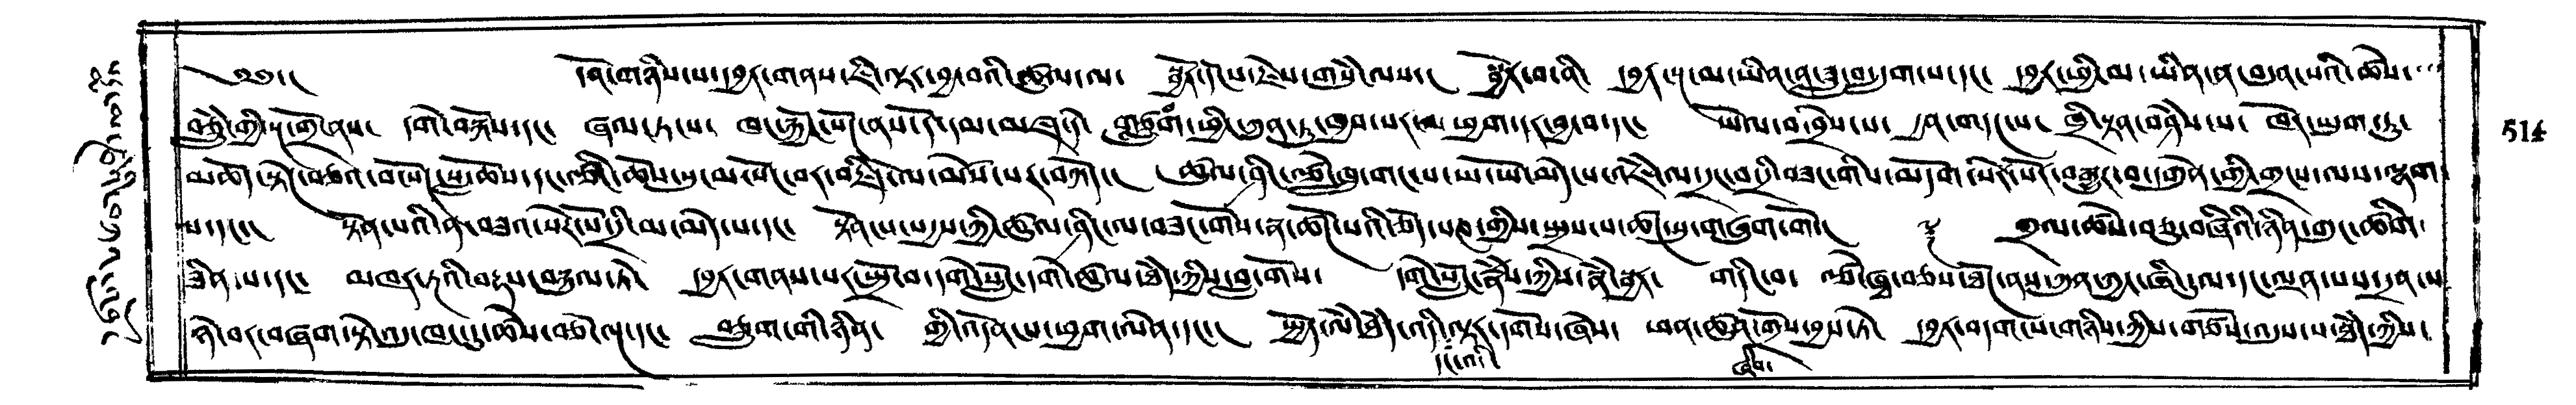དོན་གཉིས་པ་དབྱར་གནས་ཇི་ལྟར་བྱ་བའི་ཚུལ་ལ། སྦྱོར་དངོས་རྗེས་གསུམ་ལས། སྦྱོར་བ་ནི། དབྱར་སྔ་མ་ཡིན་ན་ཟླ་བ་དྲུག་པ་དང་། དབྱར་ཕྱི་མ་ཡིན་ན་བདུན་པའི་ཚེས་
བཅུ་གསུམ་གྱི་སྔ་དྲོ་ནས། དགེ་སྐོས་དང་། ཞལ་ཏ་བ། ཁང་སྐྱོང་སོགས་ནས་དོ་དམ་མཛད་དེ། གཙུག་ལག་ཁང་ཕྱི་ནང་ཀུན་ཏུ་ཁྱབ་པར་ཕྱག་དར་བྱ་བ་དང་། ཡོལ་བ་བྲེས་པ། རྒྱན་གདགས་པ། ཁྲི་སྟན་བཤམས་པ། ཁོར་ཡུག་ཏུ་
མཆོད་སྟེགས་བཅའ་བ་སོགས་སླ་ཆོས་དང་རྩིང་ཆོས་སུ་མ་སོང་བར་བརྗིད་ལ་མཛེས་པར་བཀོད། ཚུལ་ཤིང་རྩེ་ཁྲུ་གང་པ་ཡ་ཡོ་མེད་པར་འཇམ་ལ་དྲང་བ་དྲི་བཟང་གིས་མདོག་སེར་པོར་བསྒྱུར་བ་དགེ་འདུན་གྱི་གྲངས་ལས་ལྷག་
པ་དང་། སྟོན་པའི་ན་བཟའ་སེར་པོ་དྲི་མ་མེད་པ་དང་། སྟོན་པ་སངས་རྒྱས་ཀྱི་ཚུལ་ཤིང་ལ་བཟང་གོས་སྣ་ཚོགས་པའི་ཅོད་པན་གྱིས་སྤྲས་པ་ཚགས་སུ་གཞུག་གོ ། ༈ གྲལ་ཚེས་བཅུ་བཞིའི་ཉིན་གུང་ཚིགས་
ཟིན་པ་དང་། མཁར་རྔའི་བརྡས་བསྐུལ་ཏེ། དབྱར་གནས་པར་སྤྲོ་བ་དགེ་སློང་དགེ་ཚུལ་ཐམས་ཅད་ཀྱིས་བླ་གོས། དགེ་སློང་རྣམས་ཀྱིས་སྣམ་སྦྱར། གདིང་བ། རྩེ་ཞྭ་བཅས་ཐོགས་ནས་ཀུན་ཀྱང་ཞི་དུལ་དང་ལྡན་པས་དྲན་པ་
ཉེ་བར་བཞག་སྟེ་འདུ་ཁང་དུ་ཚེས་བཅོ་ལྔ་དང་། བཅུ་དྲུག་གི་ཉིན་གྱི་འདོན་པ་ཕྱག་ལེན་དང་། སྤྱོད་ལམ་ཐམས་ཅད་འདི་དང་འདི་ལྟར་དགོས་ཞེས། ཕན་ཚུན་ཞིབ་གྲོས་བྱས་ཏེ། དབྱར་བདག་པ་གཉིས་ཀྱིས་གཙོས་འདུས་པ་ཐམས་ཅད་ཀྱིས་